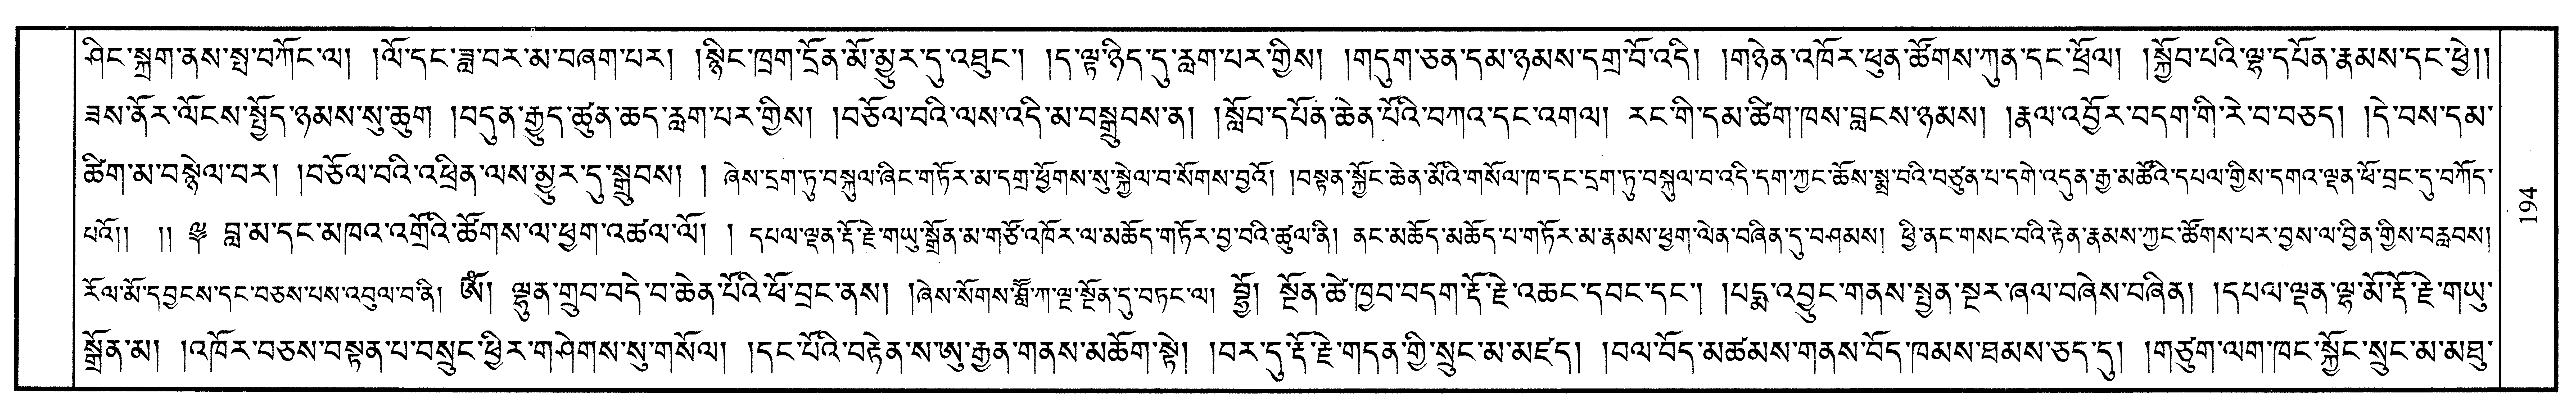ཤིང་སྐྲག་ནས་སྤ་བཀོང་ལ། །ལོ་དང་ཟླ་བར་མ་བཞག་པར། །སྙིང་ཁྲག་དྲོན་མོ་མྱུར་དུ་འཐུང་། །ད་ལྟ་ཉིད་དུ་རླག་པར་གྱིས། །གདུག་ཅན་དམ་ཉམས་དགྲ་བོ་འདི། །གཉེན་འཁོར་ཕུན་ཚོགས་ཀུན་དང་ཕྲོལ། །སྐྱོབ་པའི་ལྷ་དཔོན་རྣམས་དང་ཕྱེ།།
ཟས་ནོར་ལོངས་སྤྱོད་ཉམས་སུ་ཆུག །བདུན་རྒྱུད་ཚུན་ཆད་རླག་པར་གྱིས། །བཅོལ་བའི་ལས་འདི་མ་བསྒྲུབས་ན། །སློབ་དཔོན་ཆེན་པོའི་བཀའ་དང་འགལ། རང་གི་དམ་ཚིག་ཁས་བླངས་ཉམས། །རྣལ་འབྱོར་བདག་གི་རེ་བ་བཅད། །དེ་བས་དམ་
ཚིག་མ་བསྙེལ་བར། །བཅོལ་བའི་འཕྲིན་ལས་མྱུར་དུ་སྒྲུབས། །ཞེས་དྲག་ཏུ་བསྐུལ་ཞིང་གཏོར་མ་དགྲ་ཕྱོགས་སུ་སྐྱེལ་བ་སོགས་བྱའོ། །བསྟན་སྐྱོང་ཆེན་མོའི་གསོལ་ཁ་དང་དྲག་ཏུ་བསྐུལ་བ་འདི་དག་ཀྱང་ཆོས་སྨྲ་བའི་བཙུན་པ་དགེ་འདུན་རྒྱ་མཚོའི་དཔལ་གྱིས་དགའ་ལྡན་ཕོ་བྲང་དུ་བཀོད་
པའོ།། །། ༈ བླ་མ་དང་མཁའ་འགྲོའི་ཚོགས་ལ་ཕྱག་འཚལ་ལོ། །དཔལ་ལྡན་རྡོ་རྗེ་གཡུ་སྒྲོན་མ་གཙོ་འཁོར་ལ་མཆོད་གཏོར་བྱ་བའི་ཚུལ་ནི། ནང་མཆོད་མཆོད་པ་གཏོར་མ་རྣམས་ཕྱག་ལེན་བཞིན་དུ་བཤམས། ཕྱི་ནང་གསང་བའི་རྟེན་རྣམས་ཀྱང་ཚོགས་པར་བྱས་ལ་བྱིན་གྱིས་བརླབས།
རོལ་མོ་དབྱངས་དང་བཅས་པས་འབུལ་བ་ནི། ཨོཾ་ལྷུན་གྲུབ་བདེ་བ་ཆེན་པོའི་ཕོ་བྲང་ནས། །ཞེས་སོགས་ཤླཽ་ཀ་ལྔ་སྔོན་དུ་བཏང་ལ། བྷྱོ། སྔོན་ཚེ་ཁྱབ་བདག་རྡོ་རྗེ་འཆང་དབང་དང་། །པདམ་འབྱུང་གནས་སྤྱན་སྔར་ཞལ་བཞེས་བཞིན། །དཔལ་ལྡན་ལྷ་མོ་རྡོ་རྗེ་གཡུ་
སྒྲོན་མ། །འཁོར་བཅས་བསྟན་པ་བསྲུང་ཕྱིར་གཤེགས་སུ་གསོལ། །དང་པོའི་བརྟེན་ས་ཨུ་རྒྱན་གནས་མཆོག་སྟེ། །བར་དུ་རྡོ་རྗེ་གདན་གྱི་སྲུང་མ་མཛད། །བལ་བོད་མཚམས་གནས་བོད་ཁམས་ཐམས་ཅད་དུ། །གཙུག་ལག་ཁང་སྐྱོང་སྲུང་མ་མཐུ་